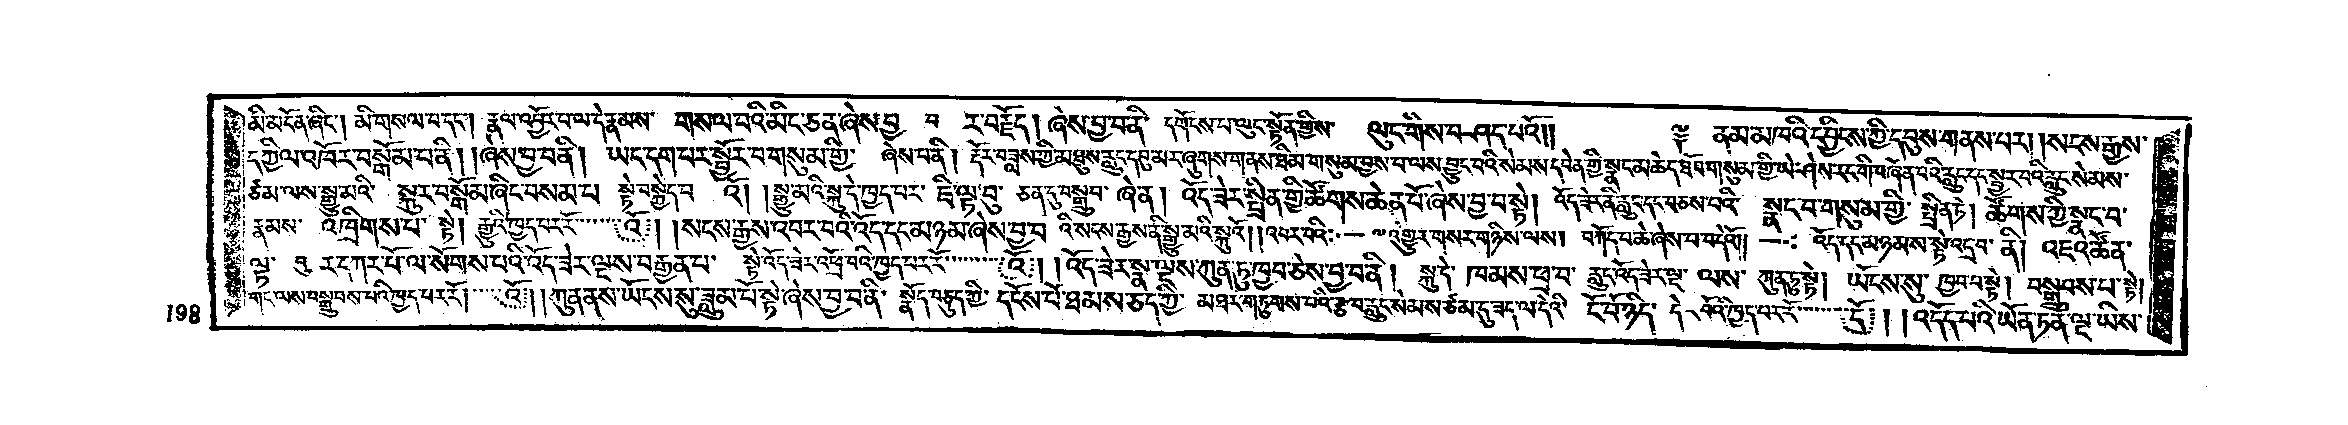མི་མངོན་ཞིང་། མི་གསལ་བ་དང་། རྣལ་འབྱོར་པ་ལ་དེ་རྣམས་གསལ་བའི་མིང་ཅན་ཞེས་བྱ་བར་བརྗོད། ཞེས་བྱ་བ་ནི་དགོངས་པ་ལུང་སྟོན་གྱིས་ལུང་གིས་བཤད་པའོ།། ༈ ནམ་མཁའི་དབྱིངས་ཀྱི་དབུས་གནས་པར། །སངས་རྒྱས་
དཀྱིལ་འཁོར་བསྒོམ་པ་ནི། །ཞེས་བྱ་བ་ནི། ཡང་དག་པར་སྦྱོར་བ་གསུམ་གྱི་ཞེས་པ་ནི། རྡོར་བཟླས་ཀྱི་མཐུས་རླུང་དབུ་མར་ཞུགས་གནས་ཐིམ་གསུམ་བྱས་པ་ལས་བྱུང་བའི་སེམས་དབེན་གྱི་སྣང་མཆེད་ཐོབ་གསུམ་གྱི་ཡེ་ཤེས་རང་གི་བཞོན་པའི་རླུང་དང་སྦྱར་བའི་རླུང་སེམས་
ཙམ་ལས་སྒྱུ་མའི་སྐུར་བསྒོམ་ཞིང་བསམ་པ་སྟེ་བསྐྱེད་པའོ། །སྒྱུ་མའི་སྐུ་དེ་ཁྱད་པར་ཇི་ལྟ་བུ་ཅན་དུ་བསྒྲུབ་ཞེ་ན། འོད་ཟེར་སྤྲིན་གྱི་ཚོགས་ཆེན་པོ་ཞེས་བྱ་བ་སྟེ། འོད་ཟེར་ནི་རླུང་དང་བཅས་པའི་སྣང་བ་གསུམ་གྱི་སྤྲིན་ཏེ། ཚོགས་ཀྱི་སྣང་བ་
རྣམས་འཁྲིགས་པ་སྟེ། རྒྱུའི་ཁྱད་པར་རོ་འོ། །སངས་རྒྱས་འབར་བའི་འོད་དང་མཉམ་ཞེས་བྱ་བའི་སངས་རྒྱས་ནི་སྒྱུ་མའི་སྐུའོ། །འབར་བའི་༧འགྱུར་གསར་གཉིས་ལས། བཀོད་པ་ཆེ་ཞེས་པ་བདེའོ།། འོད་དང་མཉམ་པ་སྟེ་འདྲ་བ་ནི། འཇའ་ཚོན་
ལྟ་བུར་དཀར་པོ་ལ་སོགས་པའི་འོད་ཟེར་ལྔས་བརྒྱན་པ་སྟེ་འོད་ཟེར་འཕྲོ་བའི་ཁྱད་པར་འོ། །འོད་ཟེར་སྣ་ལྔས་ཀུན་ཏུ་ཁྱབ་ཅེས་བྱ་བ་ནི། སྐུ་དེ་ཁམས་ཕྲ་བ་རླུང་འོད་ཟེར་ལྔ་ལས་ཀུན་ཏུ་སྟེ། ཡོངས་སུ་ཁྱབ་པ་སྟེ། བསྒྲུབས་པ་སྟེ།
གང་ལས་བསྒྲུབས་པའི་ཁྱད་པར་རོ་འོ། །ཀུན་ནས་ཡོངས་སུ་ཟླུམ་པོ་སྟེ་ཞེས་བྱ་བ་ནི་སྣོད་བཅུད་ཀྱི་དངོས་པོ་ཐམས་ཅད་ཀྱི་མཐར་གཏུགས་པའི་རྩ་བ་རླུང་སེམས་ཙམ་དུ་ཟད་ལ་དེའི་ངོ་བོ་ཉིད་དེ་ངོ་བོའི་ཁྱད་པར་རོ་དོ། །འདོད་པའི་ཡོན་ཏན་ལྔ་ཡིས་